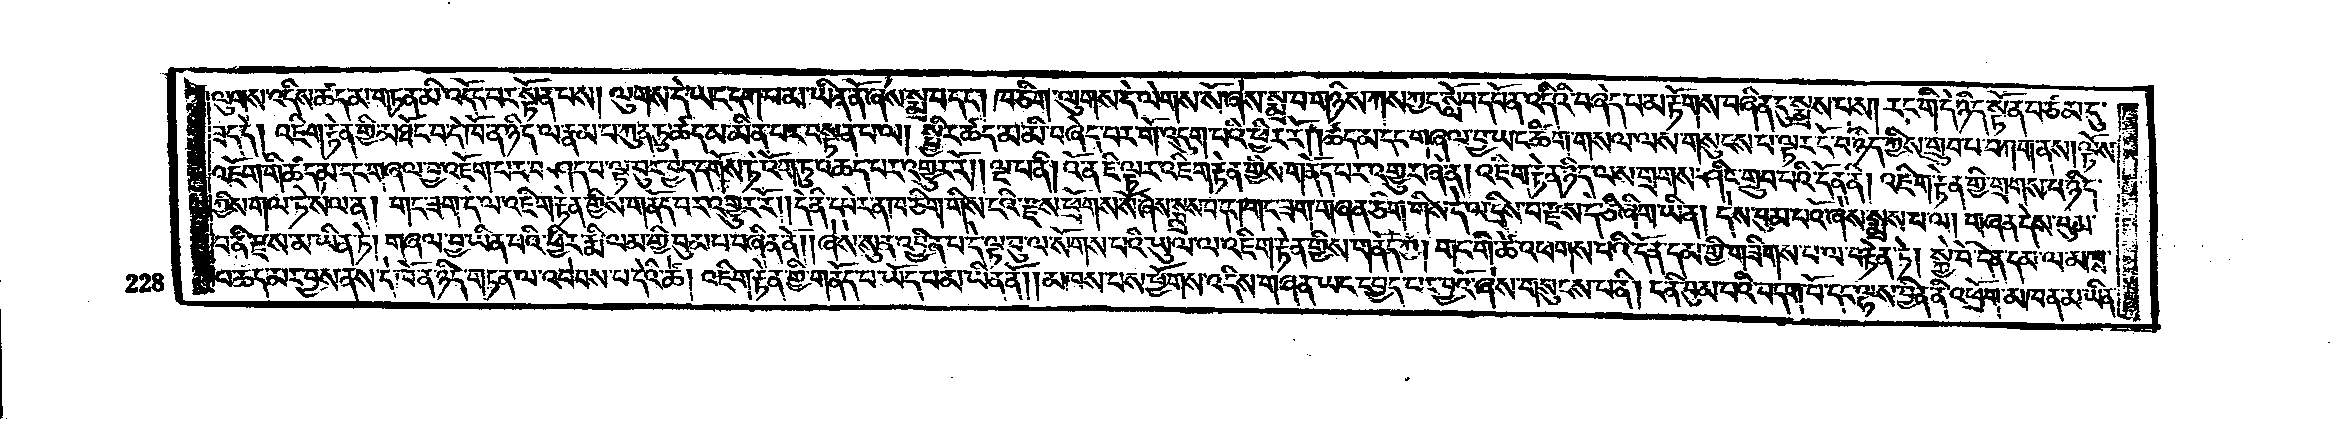ལུགས་འདིས་ཚད་མ་གཏན་མི་འདོད་པར་སྟོན་པས། ལུགས་དེ་ཡང་དག་པ་མ་ཡིན་ནོ་ཞེས་སྨྲ་བ་དང་། ཁ་ཅིག་ལུགས་དེ་ལེགས་སོ་ཞེས་སྨྲ་བ་གཉིས་ཀས་ཀྱང་སློབ་དཔོན་འདིའི་བཞེད་པ་མ་རྟོགས་བཞིན་དུ་སྨྲས་པས། རང་གི་དེ་ཉིད་སྟོན་པ་ཙམ་དུ་
ཟད་དེ། འཇིག་རྟེན་གྱི་མཐོང་བ་དེ་ཁོ་ན་ཉིད་ལ་རྣམ་པ་ཀུན་ཏུ་ཚད་མ་མིན་པར་བསྟན་པ་ལ། སྤྱིར་ཚད་མ་མི་བཞེད་པར་གོ་འདུག་པའི་ཕྱིར་རོ། །ཚད་མ་དང་གཞལ་བྱ་ཡང་ཚིག་གསལ་ལས་གསུངས་པ་ལྟར་ངོ་བོ་ཉིད་ཀྱིས་གྲུབ་པ་བཀག་ནས། ལྟོས་
འཇོག་གི་ཚད་མ་དང་གཞལ་བྱ་འཇོག་པར་བཤད་པ་ལྟ་བུར་བྱེད་དགོས་ཏེ་འོག་ཏུ་འཆད་པར་འགྱུར་རོ། །ལྔ་པ་ནི། འོ་ན་ཇི་ལྟར་འཇིག་རྟེན་གྱིས་གནོད་པར་འགྱུར་ཞེ་ན། འཇིག་རྟེན་ཉིད་ལས་གྲགས་ཤིང་གྲུབ་པའི་དོན་ནི། འཇིག་རྟེན་གྱི་གྲགས་པ་ཉིད་
ཀྱིས་གལ་ཏེ་སེལ་ན། གང་ཟག་དེ་ལ་འཇིག་རྟེན་གྱིས་གནོད་པར་འགྱུར་རོ། །དེ་ནི་དཔེར་ན་ཁ་ཅིག་གིས་ངའི་རྫས་ཕྲོགས་སོ་ཞེས་སྨྲས་པ་དང་། གང་ཟག་གཞན་ཅིག་གིས་དེ་ལ་དྲིས་པ་རྫས་དེ་ཅི་ཞིག་ཡིན། དེས་བུམ་པའོ་ཞེས་སྨྲས་པ་ལ། གཞན་དེས་བུམ་
པ་ནི་རྫས་མ་ཡིན་ཏེ། གཞལ་བྱ་ཡིན་པའི་ཕྱིར་རྨི་ལམ་གྱི་བུམ་པ་བཞིན་ནོ། །ཞེས་སུན་འབྱིན་པ་དེ་ལྟ་བུ་ལ་སོགས་པའི་ཡུལ་ལ་འཇིག་རྟེན་གྱིས་གནོད་ཀྱི། གང་གི་ཚེ་འཕགས་པའི་དོན་དམ་གྱི་གཟིགས་པ་ལ་བརྟེན་ཏེ། སྐྱེ་བོ་དོན་དམ་ལ་མཁས་
པ་ཚད་མར་བྱས་ནས་དེ་ཁོ་ན་ཉིད་བརྟན་ལ་འབེབས་པ་དེའི་ཚེ། འཇིག་རྟེན་གྱི་གནོད་པ་ཡོད་པ་མ་ཡིན་ནོ། །མཁས་པས་ཕྱོགས་འདིས་གཞན་ཡང་དཔྱད་པར་བྱའོ་ཞེས་གསུངས་པ་ནི། ང་ནི་བུམ་པའི་བདག་པོ་དང་ལྷས་བྱིན་ནི་འཕྲོག་མཁན་མ་ཡིན་